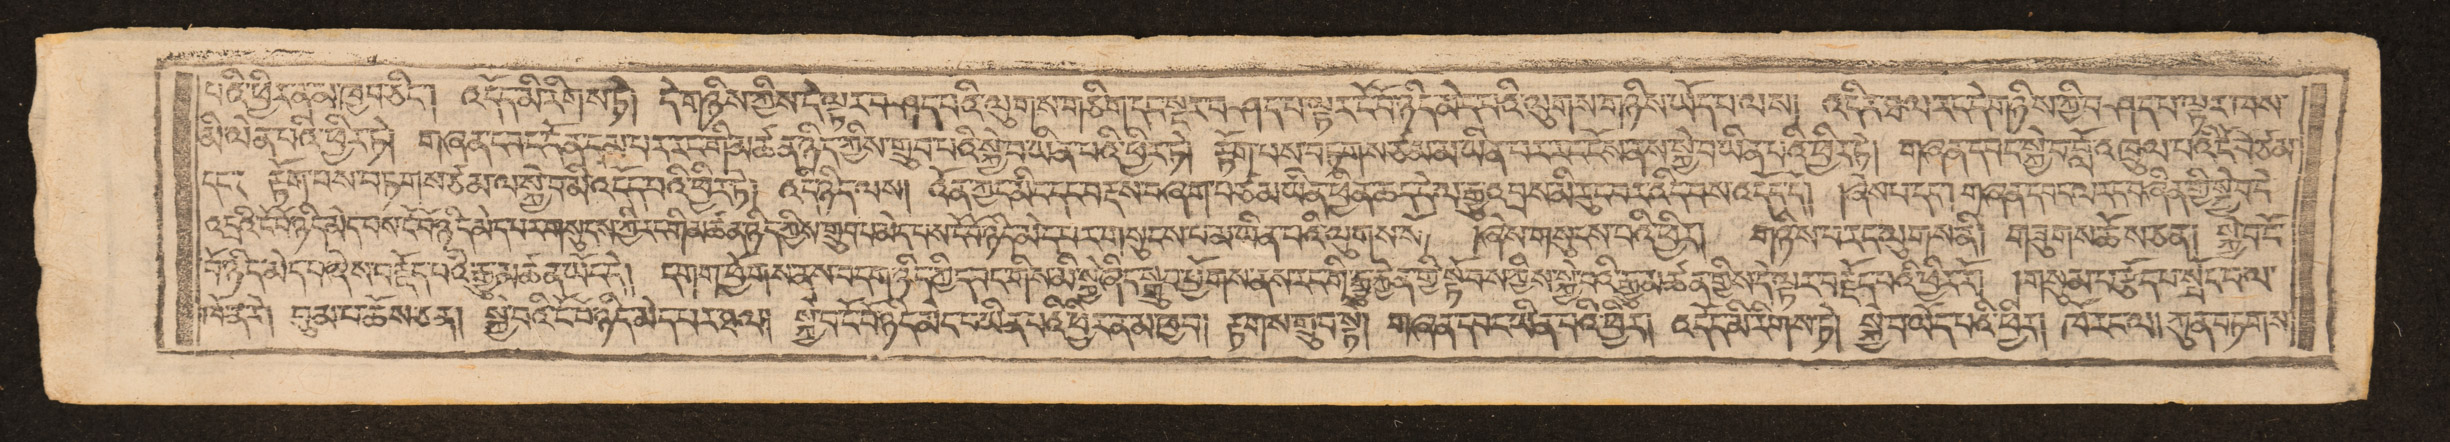པའི་ཕྱིར་ན་མ་ཁྱབ་ཅིང་། འདོད་མི་རིགས་ཏེ། དེ་གཉིས་ཀྱིས་དེ་ལྟར་བཤད་པའི་ལུགས་གཅིག་དང་སྔར་བཤད་པ་ལྟར་ངོ་བོ་ཉིད་མེད་པའི་ལུགས་གཉིས་ཡོད་པ་ལས། འདིར་ཐལ་རང་དེ་གཉིས་ཀྱི་བཤད་པ་ལྟར་ཁས་
མི་ལེན་པའི་ཕྱིར་ཏེ། གཞན་དབང་དོན་དམ་པར་རང་གི་མཚན་ཉིད་ཀྱིས་གྲུབ་པའི་སྐྱེ་བ་ཡིན་པའི་ཕྱིར་ཏེ། རྟོག་པས་བཏགས་ཙམ་མ་ཡིན་པར་རང་ངོས་ནས་སྐྱེ་བ་ཡིན་པའི་ཕྱིར་ཏེ། གཞན་དབང་སྐྱེ་བ་བློ་འཁྲུལ་པའི་ངོ་བོ་ཙམ་
དང༑ རྟོག་པས་བཏགས་ཙམ་ལ་སྐྱ་བ་མི་འདོད་པའི་ཕྱིར་ཏེ། འདི་ཉིད་ལས། འོན་ཀྱང་མིང་དང་བརྡས་བཞག་པ་ཙམ་ཡིན་ཕྱིན་ཆད་དེ་ལ་རྒྱུ་འབྲས་མི་རུང་བར་འདི་བས་འདོད་དོ། །ཞེས་པ་དང་། གཞན་དབང་ལ་རང་བཞིན་གྱི་སྐྱེ་བ་དེ་
འདྲའི་ངོ་བོ་ཉིད་མེད་པས་ངོ་བོ་ཉིད་མེད་པར་གསུངས་ཀྱི་རང་གི་མཚན་ཉིད་ཀྱིས་གྲུབ་པ་མེད་པས་ངོ་བོ་ཉིད་མེད་པར་གསུངས་པ་མ་ཡིན་པའི་ལུགས་སོ། །ཞེས་གསུངས་པའི་ཕྱིར། གཉིས་པ་རང་ལུགས་ནི། གཟུགས་ཆོས་ཅན། སྐྱེ་བ་ངོ་
བོ་ཉིད་མེད་པ་ཞེས་བརྗོད་པའི་རྒྱུ་མཚན་ཡོད་དེ། དགག་ཕྱོགས་ནས་བདག་ཉིད་ཀྱི་དབང་གིས་མི་སྐྱེ་ཞིང་སྒྲུབ་ཕྱོགས་ནས་རང་གི་རྒྱུ་རྐྱེན་གྱི་སྟོབས་ཀྱིས་སྐྱེ་བའི་རྒྱུ་མཚན་གྱིས་དེ་ལྟར་བརྗོད་པའི་ཕྱིར་རོ། །གསུམ་པ་རྩོད་པ་སྤོང་བ་ལ།
ཁོ་ན་རེ། བུམ་པ་ཆོས་ཅན། སྐྱེ་བའི་ངོ་བོ་ཉིད་མེད་པར་ཐལ། སྐྱེ་བ་ངོ་བོ་ཉིད་མེད་པ་ཡིན་པའི་ཕྱིར་ན་མ་ཁྱབ། རྟགས་གྲུབ་སྟེ། གཞན་དབང་ཡིན་པའི་ཕྱིར། འདོད་མི་རིགས་ཏེ། སྐྱེ་བ་ཡོད་པའི་ཕྱིར། ཁོ་རང་ལ། ཀུན་བཏགས་